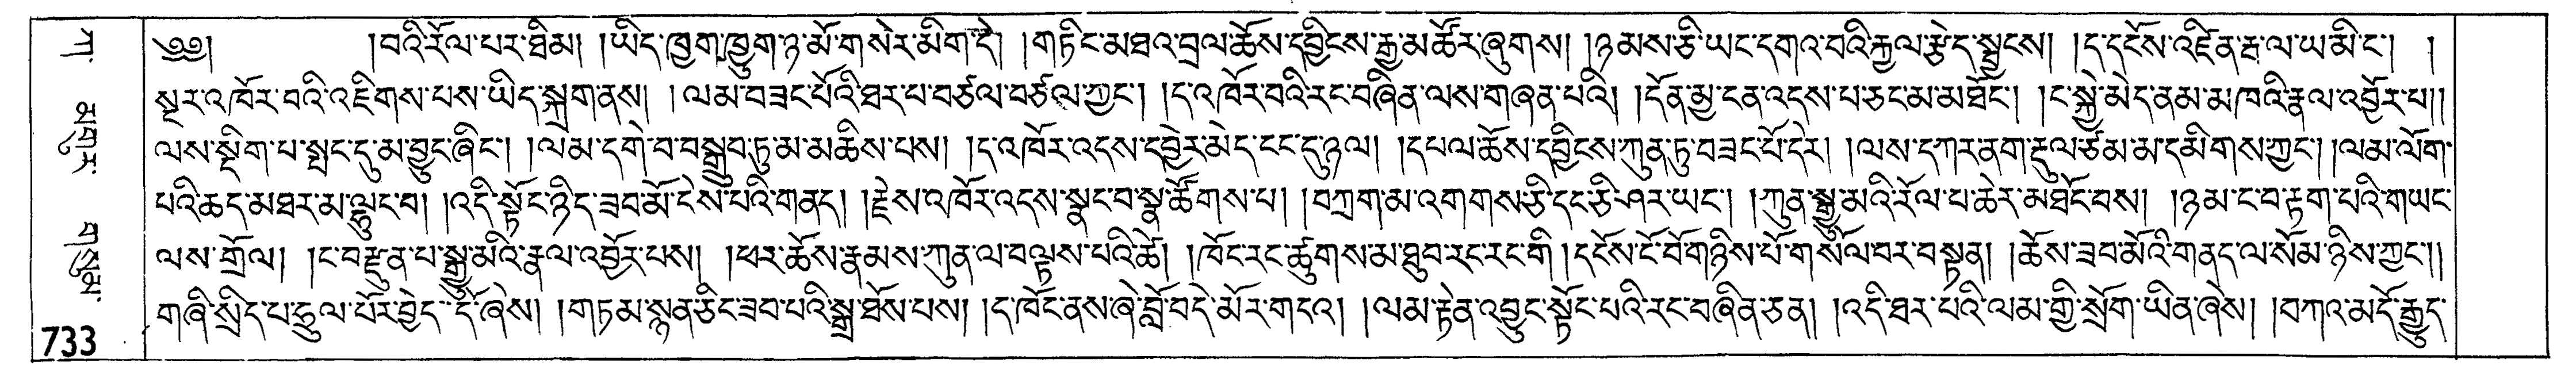༄༅། །བའི་རོལ་པར་ཐིམ། །ཡིད་ཁྱག་ཁྱུག་ཉ་མོ་གསེར་མིག་དེ། །གཏིང་མཐའ་བྲལ་ཆོས་དབྱིངས་རྒྱ་མཚོར་ཞུགས། །ཉམས་ཅི་ཡང་དགའ་བའི་རྐྱལ་རྩེད་སྦྱངས། །ད་དངོས་འཛིན་རྦ་ལ་ཡ་མི་ང་། །
སྔར་འཁོར་བའི་འཇིགས་པས་ཡིད་སྐྲག་ནས། །ལམ་བཟང་པོའི་ཐར་པ་བཙལ་བཙལ་ཀྱང་། །ད་འཁོར་བའི་རང་བཞིན་ལས་གཞན་པའི། །དོན་མྱ་ངན་འདས་པ་ཅང་མ་མཐོང་། །ང་སྐྱེ་མེད་ནམ་མཁའི་རྣལ་འབྱོར་པ། །
ལས་སྡིག་པ་སྤང་དུ་མ་བྱུང་ཞིང་། །ལམ་དགེ་བ་བསྒྲུབ་ཏུ་མ་མཆིས་པས། །ད་འཁོར་འདས་དབྱེར་མེད་ངང་དུ་ཉལ། །དཔལ་ཆོས་དབྱིངས་ཀུན་ཏུ་བཟང་པོ་དེར། །ལས་དཀར་ནག་རྡུལ་ཙམ་མ་དམིགས་ཀྱང་། །ལམ་ལོག་
པའི་ཆད་མཐར་མ་ལྷུང་བ། །འདི་སྟོང་ཉིད་ཟབ་མོ་ངེས་པའི་གནད། །རྗེས་འཁོར་འདས་སྣང་བ་སྣ་ཚོགས་པ། །བཀྲག་མ་འགགས་ཅི་དང་ཅི་ཤར་ཡང་། །ཀུན་སྒྱུ་མའི་རོལ་པ་ཆེར་མཐོང་བས། །ཉམ་ང་བ་རྟག་པའི་གཡང་
ལས་གྲོལ། །ང་བརྫུན་པ་སྒྱུ་མའི་རྣལ་འབྱོར་པས། །ཕར་ཆོས་རྣམས་ཀུན་ལ་བལྟས་པའི་ཚེ། །ཁོང་རང་ཚུགས་མ་ཐུབ་རང་རང་གི །དངོས་ངོ་བོ་གཉིས་པོ་གསོལ་བར་བསྟན། །ཆོས་ཟབ་མོའི་གནད་ལ་སོམ་ཉིས་ཀྱང་། །
གཞི་སྲིད་པ་ཧྲུལ་པོར་བྱེད་དོ་ཞེས། །གཏམ་སྙན་ཅིང་ཟབ་པའི་སྒྲ་ཐོས་པས། །ད་ཁོང་ནས་ཞེ་བློ་བདེ་མོར་གྔའ། །ལམ་རྟེན་འབྱུང་སྟོང་པའི་རང་བཞིན་ཅན། །འདི་ཐར་པའི་ལམ་གྱི་སྲོག་ཡིན་ཞེས། །བཀའ་མདོ་རྒྱུད་